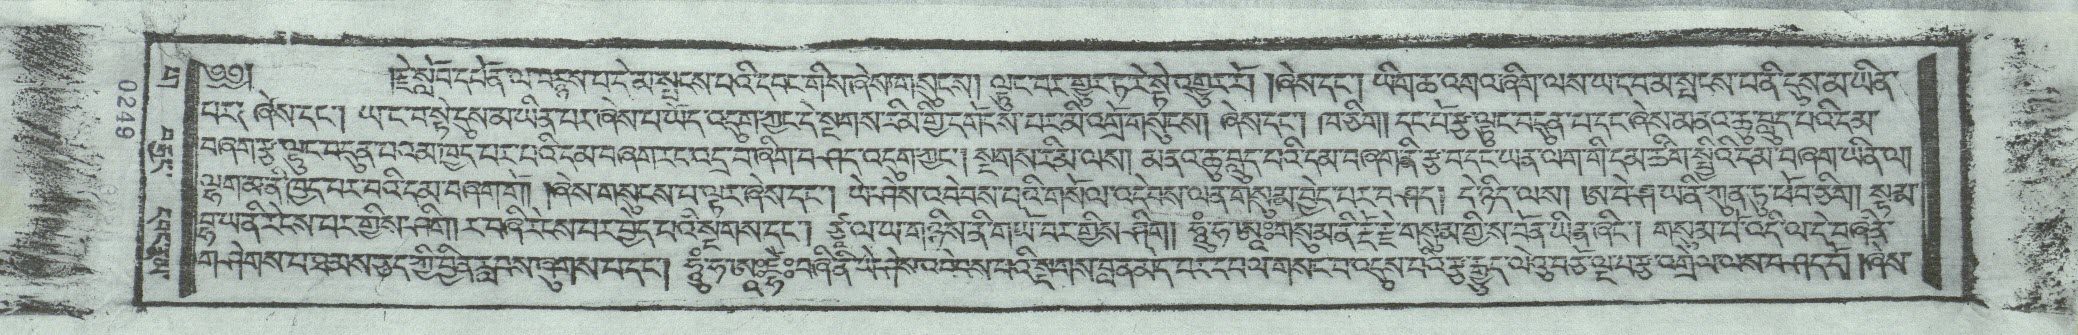༄༅། །རྗེ་སློབ་དཔོན་ལ་བརྙས་པ་དེ་མ་སྤངས་པའི་དབང་གིས་ཞེས་གསུངས། ལྟུང་བར་གྱུར་ཏ་རེ་སྟེ་འགྱུར་རོ། །ཞེས་དང་། ཡིག་ཆ་འགའ་ཞིག་ལས་ཡང་བ་མ་སྤངས་པ་ནི་དུས་མ་ཡིན་
པར༑ ཞེས་དང་། ཡང་བ་སྟེ་དུས་མ་ཡིན་པར་ཞེས་པ་ཡོད་འདུག་ཀྱང་དེ་སྔགས་རིམ་གྱི་དགོངས་པར་མི་འགྲོ་གསུངས། ཞེས་དང་། ཁ་ཅིག། དང་པོ་རྩ་ལྟུང་བདུན་པ་དང་ཞེས་མནའ་ཆུ་བླུད་པའི་དམ་
བཞག་རྩ་ལྟུང་བདུན་པའམ་ཁྱད་པར་པའི་དམ་བཞག་རང་འདྲ་བ་ཞིག་བཤད་འདུག་ཀྱང་། སྔགས་རིམ་ལས། མནའ་ཆུ་བླུད་པའི་དམ་བཞག་ནི་རྩ་བ་དང་ཡན་ལག་གི་དམ་ཚིག་སྤྱིའི་དམ་བཞག་ཡིན་ལ།
ལྷག་མ་ནི་ཁྱད་པར་བའི་དམ་བཞག་གོ། །ཞེས་གསུངས་པ་ལྟར་ཞེས་དང་། ཡེ་ཤེས་འབེབས་པའི་གསོལ་འདེབས་ལན་གསུམ་བྱེད་པར་བཤད། དེ་ཉིད་ལས། ཨ་བེ་ཤ་ཡ་ནི་ཀུན་ཏུ་ཕོབ་ཅིག། སྟམ་
བྷ་ཡ་ནི་རེངས་པར་གྱིས་ཤིག། ར་བཞི་རེངས་པར་བྱེད་པའི་སྔགས་དང་། ཙཱ་ལ་ཡ་གཉིས་ནི་གཡོ་བར་གྱིས་ཤིག། ཧཱུཾ་ཧ་ཨཱཿགསུམ་ནི་རྡོ་རྗེ་གསུམ་གྱི་ས་བོན་ཡིན་ཞིང་། གསུམ་པོ་འདི་ལ་དེ་བཞིན་
གཤེགས་པ་ཐམས་ཅད་ཀྱི་བྱིན་རླབས་ཞུགས་པ་དང་། ཧཱུཾ་ཧ་ཨཱཿཛྷཻཿབཞི་ནི་ཡེ་ཤེས་འབེབས་པའི་སྔགས་བླ་ན་མེད་པར་དཔལ་གསང་བ་འདུས་པའི་རྩ་རྒྱུད་ལེའུ་བཅོ་ལྔ་པ་རྩ་འགྲེལ་ལས་བཤད་དོ། །ཞེས་